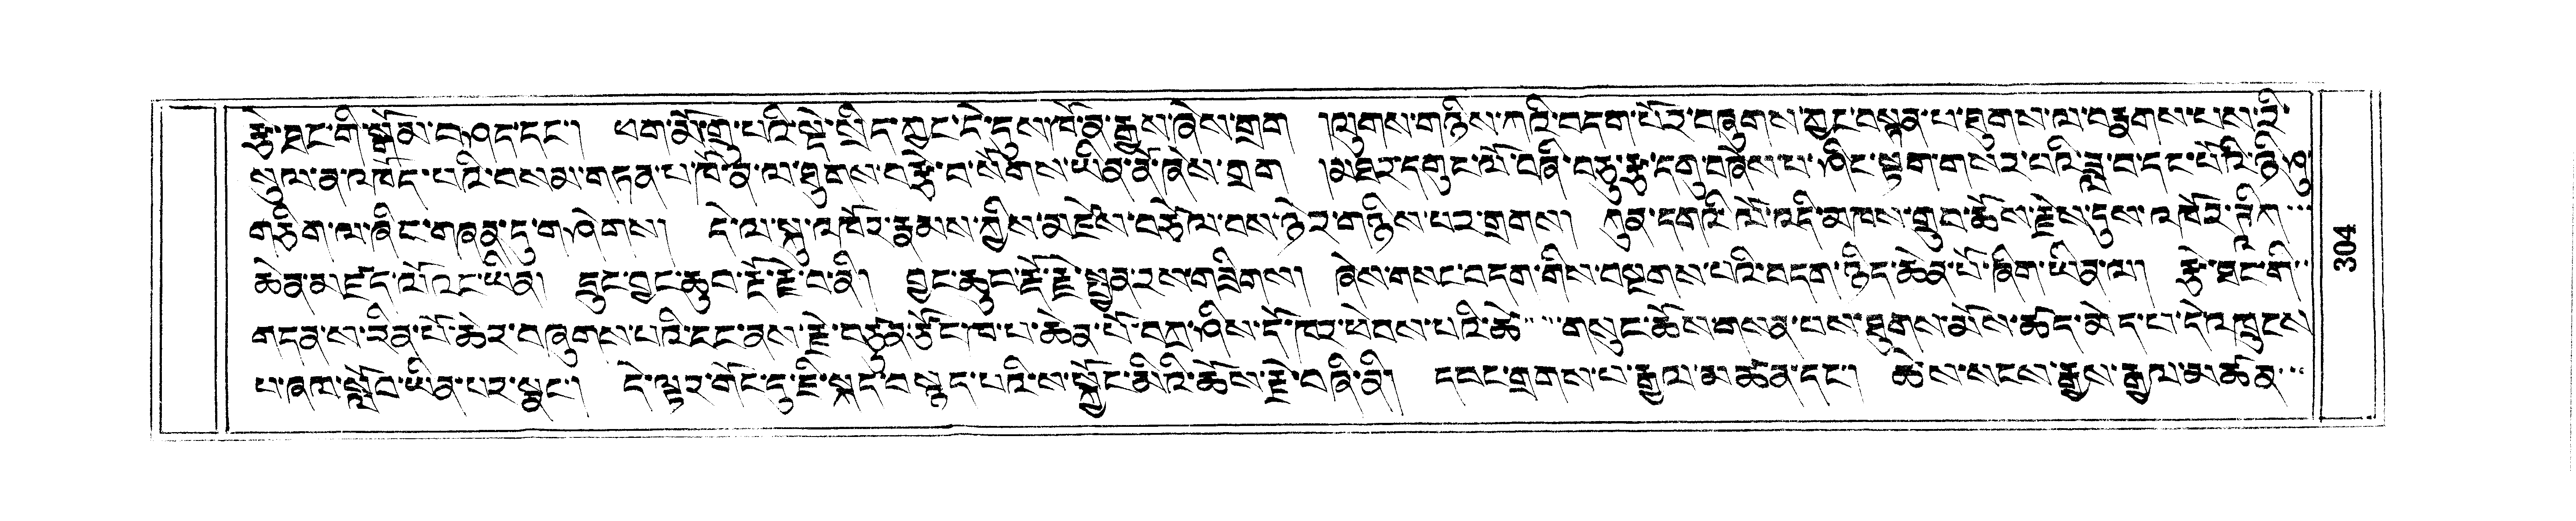རྩེ་ཐང་གི་སྒོམ་བཤད་དང་། ཕག་མོ་གྲུ་པའི་སྡེ་སྲིད་ཀྱང་དེ་དུས་ཁོ་ན་རྒྱས་ཞེས་གྲག །ལུགས་གཉིས་ཀའི་བདག་པོར་བཞུགས་ཀྱང་བསྟན་པ་ཐུགས་ལ་བརྣགས་པས་རི་
སུལ་ན་འཁོད་པའི་བསམ་གཏན་པ་ཁོ་ན་ལ་ཐུགས་བརྩེ་བ་སོགས་ཡིན་ནོ་ཞེས་གྲག །མཐར་དགུང་ལོ་བཞི་བཅུ་རྩ་དགུ་བཞེས་པ་ཤིང་སྟག་གསར་པའི་ཟླ་བ་དང་པོའི་ཉི་ཤུ་
གཅིག་ལ་ཞིང་གཞན་དུ་གཤེགས། དེ་ལ་སྐུ་འཁོར་རྣམས་ཀྱིས་མཛེས་བརྩེལ་བས་ཉེར་གཉིས་པར་གྲགས། ཀུན་དགེའི་ལོ་འདི་མཁས་གྲུབ་ཆོས་རྗེས་དུས་འཁོར་ཊཱིཀ་
ཆེན་མཛད་ལོའང་ཡིན། དྲུང་བྱང་ཆུབ་རྡོ་རྗེ་བ་ནི། བྱང་ཆུབ་རྡོ་རྗེ་སྤྱན་རས་གཟིགས། ཞེས་གསང་བདག་གིས་བསྔགས་པའི་བདག་ཉིད་ཆེན་པོ་ཞིག་ཡིན་ལ། རྩེ་ཐང་གི་
ཕ༹གདན་ས་རིན་པོ་ཆེར་བཞུགས་པའི་ངང་ནས་རྗེ་བཙུན་རྩོང་ཁ་པ་ཆེན་པོ་བཀྲ་ཤིས་དོ་ཁར་ཕེབས་པའི་ཚེ་གསུང་ཆོས་གསན་པས་ཐུགས་མོས་ཚད་མེད་པ་དེ་འཁྲུངས་
པ་ཞལ་སློབ་ཡིན་པར་སྣང་། དེ་ལྟར་གོང་དུ་ཇི་སྐད་བསྙད་པའི་ས་སྐྱོང་མིའི་ཆོས་རྗེ་བཞི་ནི། དབང་གྲགས་པ་རྒྱལ་མཚན་དང་། ཆེས་སངས་རྒྱས་རྒྱལ་མཚན་